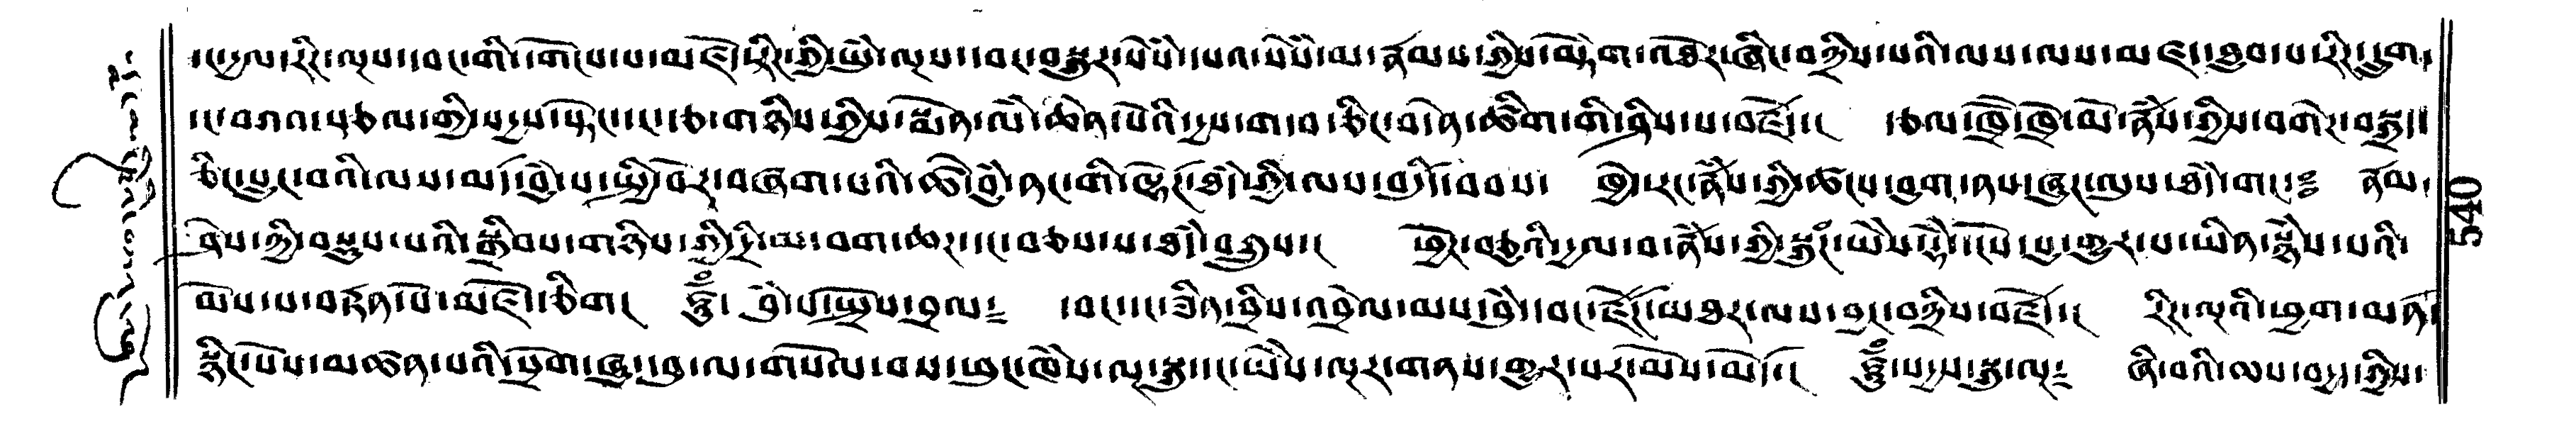དང་རྒྱལ་བ་རིགས་ལྔས་དབང་གི་དགོངས་པ་མཛོད། རིགས་ཀྱི་ཡུམ་ལྔས་དབང་སྐུར། སེམས་དཔའ་སེམས་མ་རྣམས་ཀྱིས་མེ་ཏོག་འཐོར་ཞིང་བཀྲ་ཤིས་པའི་ལས་མཛད། ཐུབ་པ་རིགས་དྲུག་
དང་བསྐལ་བཅང་གི་སངས་རྒྱས་སྟོང་དང་རྩ་གཉིས་ཀྱིས་སྨོན་ལམ་ཆེན་པོས་རྒྱས་གདབ་ཅིང་བདེན་ཚིག་གི་ཤིས་པ་རྗོད། རྩལ་ཆེན་ཁྲོ་བོ་ཁྲོ་མོ་རྣམས་ཀྱིས་བགེགས་བསྐྲད་
ཅིང་སྲུང་བའི་ལས་མཛད་བུམ་པ་སྤྱི་བོར་བཞག་པའི་ཚེ་བུམ་ནང་གི་ལྷ་ཚོགས་ཐམས་ཅད་ཀྱི་ལས་བདུད་རྩིར་བབས། ཁྱེད་རང་རྣམས་ཀྱི་ཚངས་བུག་ནས་ཞུགས་ལུས་ཐམས་ཅད་གང་། རྣམ་
ཤེས་ཀྱིས་བསྡུས་པའི་སྒྲིབ་གཉིས་ཀྱི་དྲི་མ་བག་ཆགས་དང་བཅས་པ་ཐམས་ཅད་བཀྲུས། ཕྱོགས་བཅུའི་རྒྱལ་བ་རྣམས་ཀྱི་སྐུ་གསུང་ཐུགས་ཡེ་ཤེས་རྡོ་རྗེ་དངོས་སུ་གྱུར་པ་ཡིན་སྙམ་པའི་
མོས་པ་བརྟན་པོ་མཛོད་ཅིག ཧཱུྃ། བུམ་པ་སྤྲོས་བྲལ༴ དབང་དང་ཟིན་བྲིས་འབྲེལ་མས་བུམ་དབང་རྫོགས་མཐར་ལས་བྱང་བཀྲ་ཤིས་རྗོད། རིགས་ལྔའི་ཕྱག་མཚན་
སྙིང་པོས་མཚན་པའི་པྲོག་ཞུ་དབུ་ལ་གསོལ་བས་ཕུང་ཁམས་ལྔ་སྐུ་དང་ཡེ་ཤེས་ལྔར་གནས་གྱུར་པའི་མོས་པ་མཛོད། ཧཱུྃ་སངས་རྒྱས་སྐུ་ལྔ༴ ཞི་བའི་ཆས་བརྒྱད་ཀྱིས་